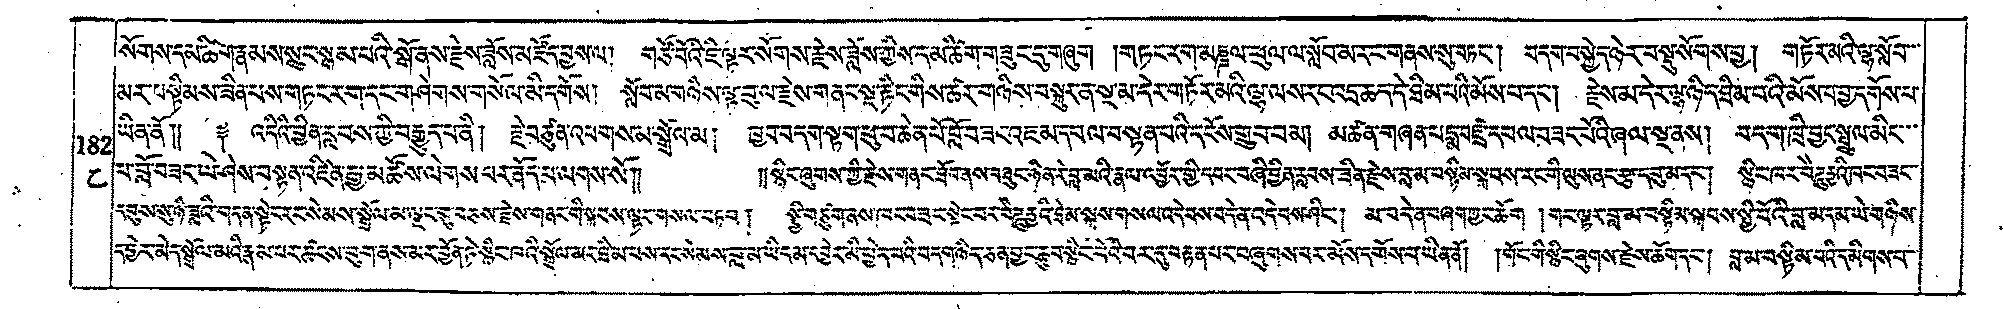སོགས་དམ་ཚིག་རྣམས་སྲུང་སྙམ་པའི་སྒོ་ནས་རྗེས་ཟློས་མཛོད་བྱས་ལ། གཙོ་བོའི་ཇི་ལྟར་སོགས་རྗེས་ཟློས་ཀྱིས་དམ་ཚིག་གཟུང་དུ་གཞུག །གཏང་རག་མཎྜལ་ཕུལ་ལ་སློབ་མ་རང་གནས་སུ་བཏང་། བདག་བསྐྱེད་ཉེར་བསྡུ་སོགས་བྱ། གཏོར་མའི་ལྷ་སློབ་་་
མར་བསྟིམས་ཟིན་པས་གཏང་རག་དང་གཤེགས་གསོལ་མི་དགོས། སློབ་མ་གཉིས་ལྟ་བུ་ལ་རྗེས་གནང་སྔ་རྟིང་གིས་ཚར་གཉིས་བསྐུར་ན་སྔ་མ་དེར་གཏོར་མའི་ལྷ་ལས་རང་འདྲ་ཆད་དེ་ཐིམ་པའི་མོས་པ་དང་། རྗེས་མ་དེར་ལྷ་ཉིད་ཐིམ་པའི་མོས་པ་བྱ་དགོས་པ་
ཡིན་ནོ།། ༈ འདིའི་བྱིན་རླབས་ཀྱི་བརྒྱུད་པ་ནི། རྗེ་བཙུན་འཕགས་མ་སྒྲོལ་མ། ཁྱབ་བདག་སྟག་ཕུ་བ་ཆེན་པོ་བློ་བཟང་འཇམ་དཔལ་བསྟན་པའི་དངོས་གྲུབ་བམ། མཚན་གཞན་པདམ་བྫྲ་དཔལ་བཟང་པོའི་ཞལ་སྔ་ནས། བདག་ཁྲི་བྱང་སྤྲུལ་མིང་་་
པ་བློ་བཟང་ཡེ་ཤེས་བསྟན་འཛིན་རྒྱ་མཚོས་ལེགས་པར་ནོད་པ་ལགས་སོ།། །།སྙིང་ཞུགས་ཀྱི་རྗེས་གནང་ཐོབ་ནས་བཟུང་ཉིན་རེ་བླ་མའི་རྣལ་འབྱོར་གྱི་དབང་བཞི་བྱིན་རླབས་ཟིན་རྗེས་བླ་མ་བསྟིམ་སྐབས་རང་གི་ལུས་ནང་རྩ་དབུ་མ་དང་། སྙིང་ཁར་བཻཌཱུརྱའི་ཁང་བཟང་་་
དབུས་སུ་ཉི་ཟླའི་གདན་སྟེང་རང་སེམས་སྒྲོལ་མ་ལྗང་གུ་བཅས་རྗེས་གནང་གི་སྐབས་ལྟར་གསལ་བཏབ། སྤྱི་གཙུག་ནས་ཁང་བཟང་སྟེང་བར་བཻཌཱུརྱའི་ཐེམ་སྐས་གསལ་འདེབས་བདེན་འདེབས་ཤིང་། མ་བདེ་ན་བཞག་ཀྱང་ཆོག །གང་ལྟར་བླ་མ་བསྟིམ་སྐབས་སྤྱི་བོའི་བླ་མ་དམ་ཡེ་གཉིས་
དབྱེར་མེད་སྒྲོལ་མའི་རྣམ་པར་ཚངས་བུག་ནས་མར་བྱོན་ཏེ་སྙིང་ཁའི་སྒྲོལ་མར་ཐིམ་པས་རང་སེམས་བླ་མ་ཡི་དམ་དབྱེར་མི་ཕྱེད་པའི་བདག་ཉིད་ཅན་བྱང་ཆུབ་སྙིང་པོའི་བར་དུ་བརྟན་པར་བཞུགས་པར་མོས་དགོས་པ་ཡིན་ནོ། །གོང་གི་སྙིང་ཞུགས་རྗེས་ཆོག་དང་། བླ་མ་བསྟིམ་པའི་དམིགས་པ་་་